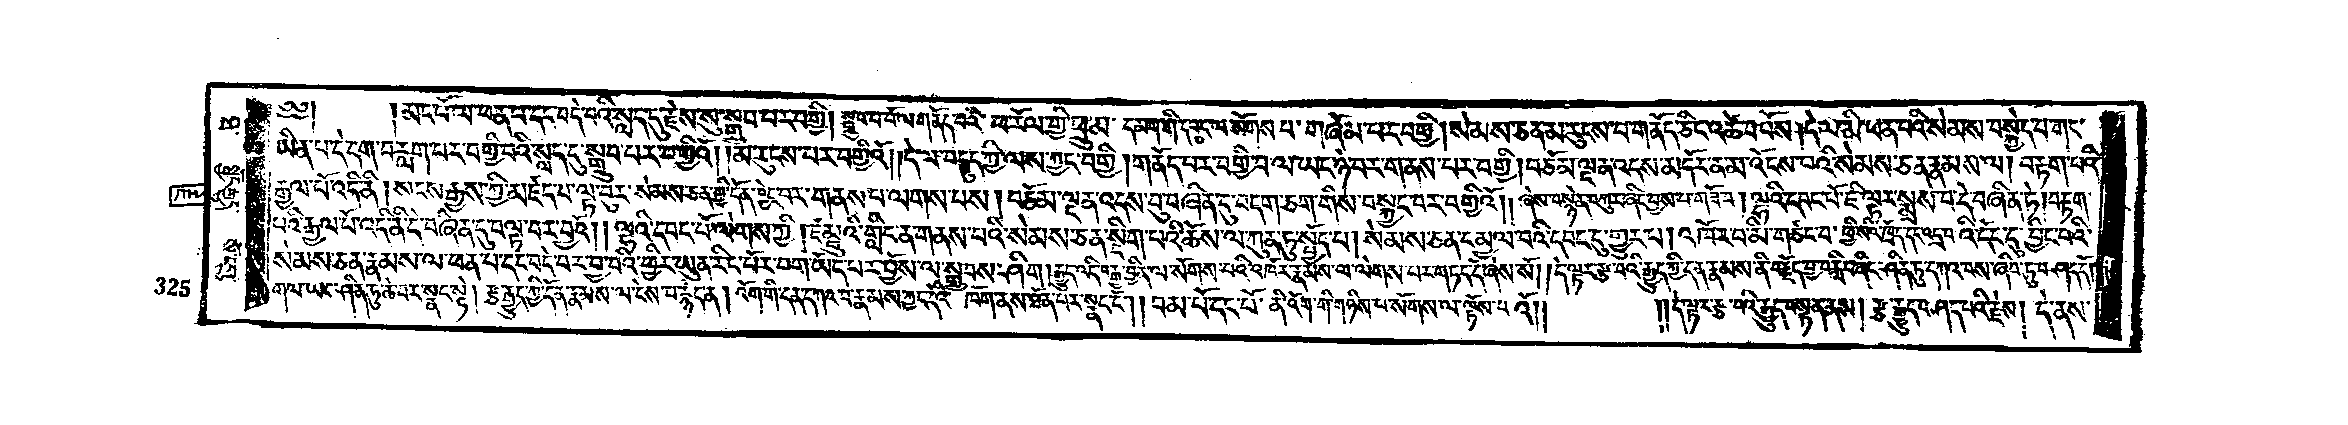༄༅། །མང་པོ་ལ་ཕན་པ་དང་བདེ་བའི་སླད་དུ་རྗེས་སུ་སྒྲུབ་པར་བགྱི། སྒྲུབ་པ་པོ་ལ་གནོད་པའི་ཕ་རོལ་གྱི་ཕྲུ་མ་དམག་གི་དཔུང་ལ་སོགས་པ་གཞོམ་པར་བགྱི། སེམས་ཅན་མ་རུངས་བ་གནོད་ཅིང་འཚེ་བ་པོས། དེ་ལ་མི་ཕན་པའི་སེམས་བསྐྱེད་པ་གང་
ཡིན་པ་དེ་དག་བརླག་པར་བགྱི་བའི་སླད་དུ་སྒྲུབ་པར་བགྱིའོ། །མ་རུངས་པར་བགྱིའོ། །དེ་ལ་བདུད་ཀྱི་ལས་ཀྱང་བགྱི། གནོད་པར་བགྱི་བ་ལ་ཡང་ཉེ་བར་གནས་པར་བགྱི། བཅོམ་ལྡན་འདས་མདོར་ན་མ་འོངས་པའི་སེམས་ཅན་རྣམས་ལ། བརྟག་པའི་
རྒྱལ་པོ་འདི་ནི། སངས་རྒྱས་ཀྱི་མཛད་པ་ལྟ་བུར་སེམས་ཅན་གྱི་དོན་བྱེད་པར་གནས་པ་ལགས་པས། བཅོམ་ལྡན་འདས་བུ་བཞིན་དུ་བདག་ཅག་གིས་བསྐྱང་བར་བགྱིའོ། ། ཞེས་བསྙེན་བཀུར་ཞིང་བྱས་པ་གཟོ་བ།  ལྷའི་དབང་པོ་ཇི་ལྟར་སྨྲས་པར་བཞིན་ཏེ། བརྟག་
པའི་རྒྱལ་པོ་འདི་ནི་དེ་བཞིན་དུ་བལྟ་བར་བྱའོ། །ལྷའི་དབང་པོ་ལེགས་ཀྱི། ཛམྦུའི་གླིང་ན་གནས་པའི་སེམས་ཅན་སྡིག་པའི་ཆོས་ལ་ཀུན་ཏུ་སྤྱོད་པ། སེམས་ཅན་དམྱལ་བའི་དབང་དུ་གྱུར་པ། འཁོར་བ་མི་གཙང་བ་ཕྱི་སའི་ཁྲོད་དང་འདྲ་བའི་དོང་དུ་བྱིང་བའི་
སེམས་ཅན་རྣམས་ལ་ཕན་པ་དང་བདེ་བར་བྱ་བའི་ཕྱིར་ཡུན་རིང་པོར་བག་ཡོད་པར་བྱོས་ལ་སྒྲུབས་ཤིག །རྒྱུད་འདི་བརྒྱ་བྱིན་ལ་སོགས་པའི་འཁོར་རྣམས་ལ་ལེགས་པར་གཏད་དོ་ཞེས་སོ། །དེ་ལྟར་རྩ་བའི་རྒྱུད་ཀྱི་དན་རྣམས་ནི་བརྗོད་བྱ་བརླིང་ཞིང་ཤིན་ཏུ་དཀའ་བས་ཞིབ་ཏུ་བཤད་དོ། །
གལ་ཡང་ཤིན་ཏུ་ཆེ་བར་སྣང་སྟེ། རྩ་རྒྱུད་ཀྱི་དོན་རྣམས་ལ་ངེས་པ་རྙེད་ན། འོག་གི་དན་དཀའ་བ་རྣམས་ཀྱང་དེའི་ཁོག་ནས་ཐོན་པར་སྣང་ངོ། །བམ་པོ་དང་པོ་ནི་འོག་གི་གཉིས་པ་སོགས་ལ་ལྟོས་པའོ།། །།དེ་ལྟར་རྩ་བའི་རྒྱུད་བསྟན་ནས། རྩ་རྒྱུད་བཤད་པའི་རྗེས།  དེ་ནས་